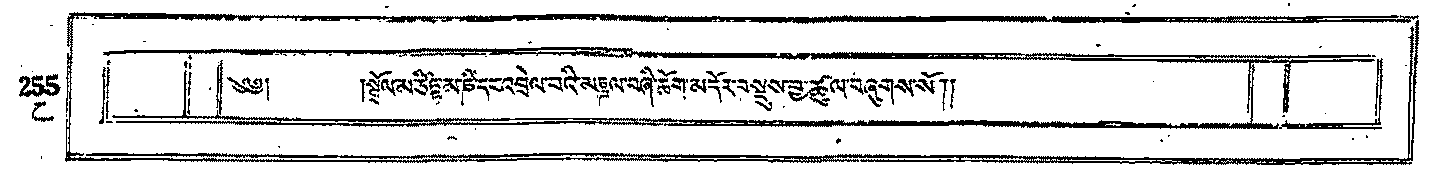༄༅། །སྒྲོལ་མ་ཙིཏྟ་མ་ཎི་དང་འབྲེལ་བའི་མཎྜལ་བཞི་ཆོག་མདོར་བསྡུས་བྱ་ཚུལ་བཞུགས་སོ།།